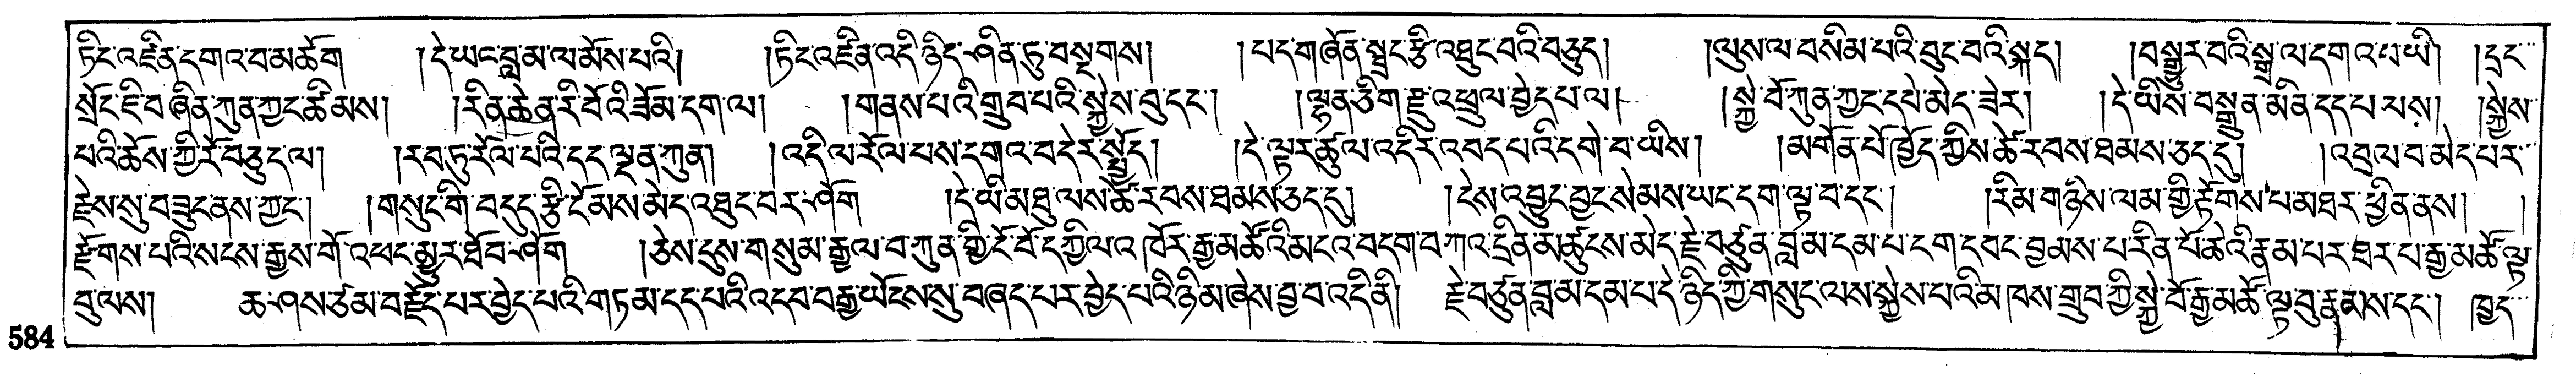ཏིང་འཛིན་དགའ་བ་མཆོག །དེ་ཡང་བླ་མ་ལ་མོས་པའི། །ཏིང་འཛིན་འདི་ཉིད་ཤིན་ཏུ་བསྔགས། །བད་གཞོན་སྦྲང་རྩི་འཐུང་པའི་བཅུད། །ལུས་ལ་བསིམ་པའི་བུང་བའི་སྐད། །བསྒྱུར་པའི་སྒྲ་ལ་དགའ་བ་ཡི། །དྲང་
སྲོང་ཇི་བཞིན་ཀུན་ཀྱང་ཚིམས། །རིན་ཆེན་རི་བོའི་ཟོམ་དག་ལ། །གནས་པའི་གྲུབ་པའི་སྐྱེས་བུ་དང་། །ལྷན་ཅིག་རྫུ་འཕྲུལ་བྱེད་པ་ལ། །སྐྱེ་བོ་ཀུན་ཀྱང་དཔེ་མེད་ཟེར། །དེ་ཡིས་བསྒྲུན་མིན་དད་པ་ལས། །སྐྱེས་
པའི་ཆོས་ཀྱི་རོ་བཅུད་ལ། །རབ་ཏུ་རོལ་པའི་དད་ལྡན་ཀུན། །འདི་ལ་རོལ་པས་དགའ་བདེར་སྤྱོད། །དེ་ལྟར་ཚུལ་འདིར་འབད་པའི་དགེ་པ་ཡིས། །མགོན་པོ་ཁྱོད་ཀྱིས་ཚེ་རབས་ཐམས་ཅད་དུ། །འབྲལ་བ་མེད་པར་
རྗེས་སུ་བཟུང་ནས་ཀྱང་། །གསུང་གི་བདུད་རྩི་ངོམས་མེད་འཐུང་བར་ཤོག །དེ་ཡི་མཐུ་ལས་ཚེ་རབས་ཐམས་ཅད་དུ། །ངེས་འབྱུང་བྱང་སེམས་ཡང་དག་ལྟ་བ་དང་། །རིམ་གཉིས་ལམ་གྱི་རྟོགས་པ་མཐར་ཕྱིན་ནས། །
རྫོགས་པའི་སངས་རྒྱས་གོ་འཕང་མྱུར་ཐོབ་ཤོག །ཅེས་དུས་གསུམ་རྒྱལ་བ་ཀུན་གྱི་ངོ་བོ་དཀྱིལ་འཁོར་རྒྱ་མཚོའི་མངའ་བདག་བཀའ་དྲིན་མཚུངས་མེད་རྗེ་བཙུན་བླ་མ་དམ་པ་ངག་དབང་བྱམས་པ་རིན་པོ་ཆེའི་རྣམ་པར་ཐར་པ་རྒྱ་མཚོ་ལྟ་
བུ་ལས། ཆ་ཤས་ཙམ་བརྗོད་པར་བྱེད་པའི་གཏམ་དད་པའི་འདབ་བརྒྱ་ཡོངས་སུ་བཞད་པར་བྱེད་པའི་ཉི་མ་ཞེས་བྱ་བ་འདི་ནི། རྗེ་བཙུན་བླ་མ་དམ་པ་དེ་ཉིད་ཀྱི་གསུང་ལས་སྐྱེས་པའི་མཁས་གྲུབ་ཀྱི་སྐྱེ་བོ་རྒྱ་མཚོ་ལྟ་བུ་རྣམས་དང་། ཁྱད་